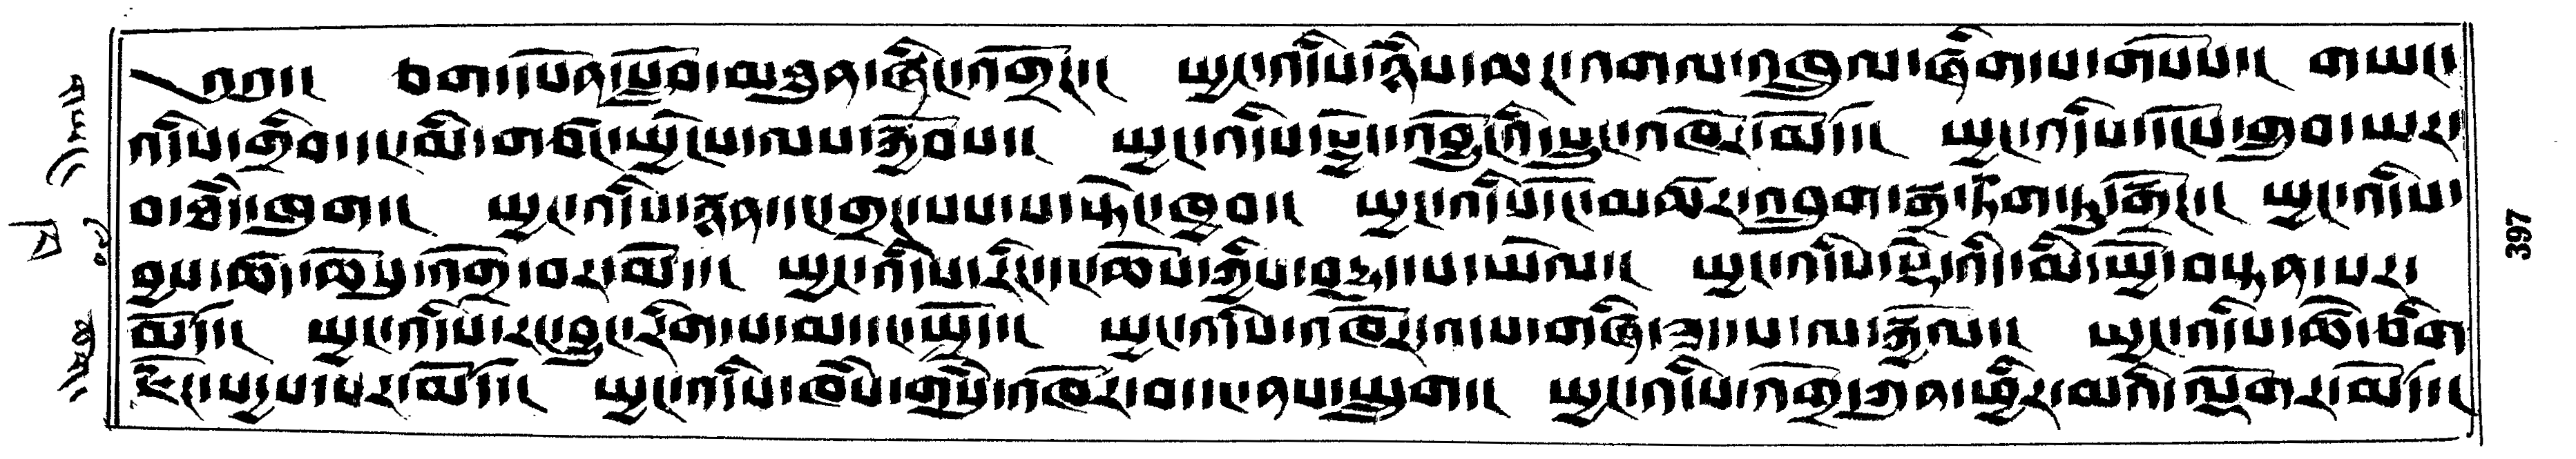ཅག་དཔོན་སློབ་མཐུན་ཞིང་འགྲོག །གཡང་འདིས་ཉམས་ཆང་འགལ་འཁྲུལ་ཞིག་པ་གསོས། །གཡང་
འདིས་གྲིབ་དང་མི་གཙང་གཡེང་ལས་སྐྱོབས། །གཡང་འདིས་སྡེ་བརྒྱད་འབྱུང་པོའི་སྲུང་འཁོར་མཛོད། །གཡང་འདིས་དངོས་གྲུབ་ཕར་
བ་ཐམས་ཅད་ཁུག །གཡང་འདིས་སྙན་དང་གྲགས་པས་ས་སྟེང་ཁྱབ། །གཡང་འདིས་ངོ་མཚར་བྲུག་སྒྲ་རྟག་ཏུ་སྒྲོགས། གཡང་འདིས་
བྱས་ཚད་ཆོས་སུ་འགྲོ་བར་མཛོད། །གཡང་འདིས་རིགས་དང་ཆོས་ཀྱི་བརྒྱུད་པ་སྤེལ། །གཡང་འདིས་སྡེ་འདི་མི་གཡོ་བརྟོན་པར་
མཛོད། །གཡང་འདིས་རང་བྱུང་རིག་པ་མ་དང་སྤྲོད། །གཡང་འདིས་འཁོར་འདས་གཞི་ཟད་ས་ལ་སྐྱོལ། །གཡང་འདིས་ཚེ་གཅིག་
རྫོགས་སངས་རྒྱས་པར་མཛོད། །གཡང་འདིས་ཁམས་གསུམ་འཁོར་བ་དང་ནས་སྤྲུགས། །གཡང་འདིས་འགྲོ་ཀུན་ཕྱིར་མི་ལྡོག་པར་མཛོད།